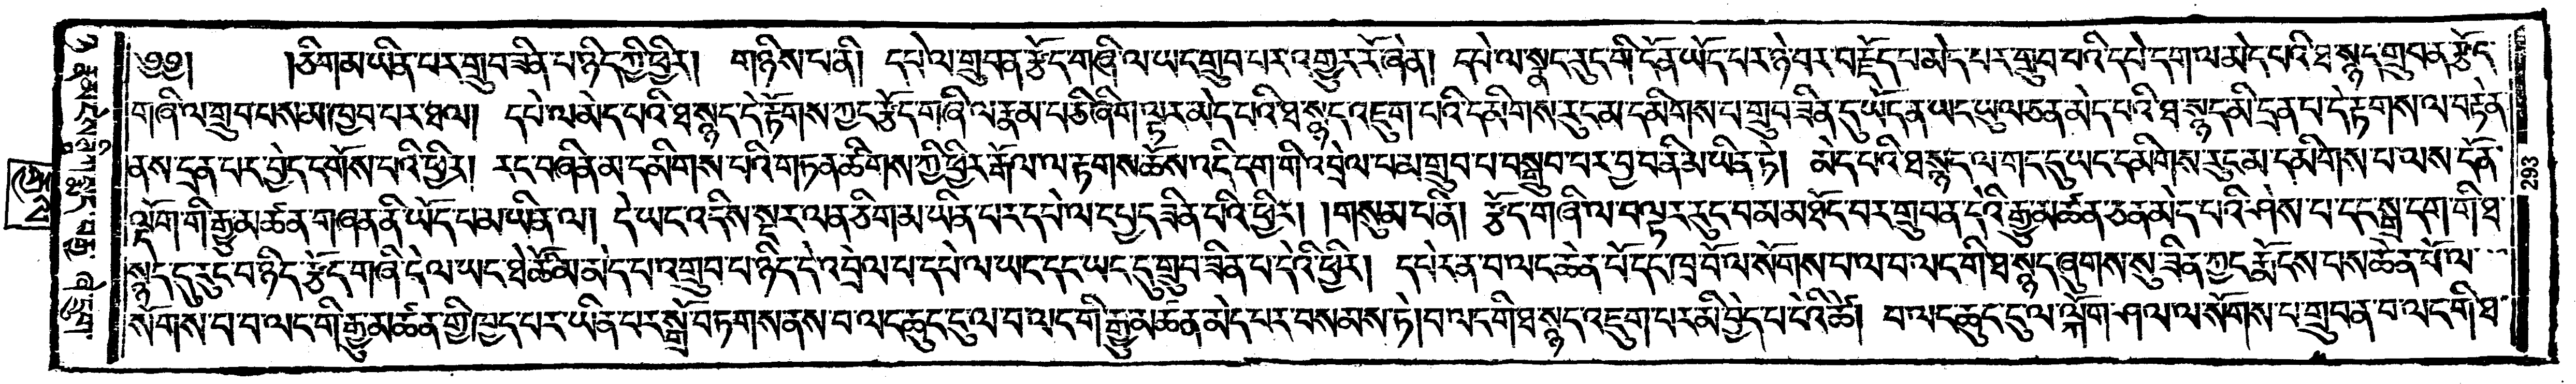༄༅། །ཅིག་མ་ཡིན་པར་གྲུབ་ཟིན་པ་ཉིད་ཀྱི་ཕྱིར། གཉིས་པ་ནི། དཔེལ་གྲུབ་ན་རྩོད་གཞི་ལ་ཡང་གྲུབ་པར་འགྱུར་རོ་ཞེ་ན། དཔེ་ལ་སྣང་རུང་གི་དོན་ཡོད་པར་ཉེ་བར་བརྗོད་པ་མེད་པར་གྲུབ་པའི་དཔེ་དག་ལ་མེད་པའི་ཐ་སྙད་གྲུབ་ན་རྩོད་
གཞི་ལ་གྲུབ་པས་མ་ཁྱབ་པར་ཐལ། དཔེ་ལ་མེད་པའི་ཐ་སྙད་དེ་རྟོགས་ཀྱང་རྩོད་གཞི་ལ་རྣམ་པ་ཅི་ཞིག་ལྟར་མེད་པའི་ཐ་སྙད་འཇུག་པའི་དམིགས་རུང་མ་དམིགས་པ་གྲུབ་ཟིན་དུ་ཡོད་ཡང་ཡུལ་ཅན་མེད་པའི་ཐ་སྙད་མི་དྲན་པ་དེ་རྟགས་ལ་བརྟེན་
ནས་དྲན་པར་བྱེད་དགོས་པའི་ཕྱིར། རང་བཞིན་མ་དམིགས་པའི་གཏན་ཚིགས་ཀྱི་ཕྱིར་རྒོལ་ལ་རྟགས་ཆོས་འདི་དག་གི་འབྲེལ་པ་མ་གྲུབ་པ་བསྒྲུབ་པར་བྱ་བ་ནི་མ་ཡིན་ཏེ། མེད་པའི་ཐ་སྙད་ལ་གང་དུ་ཡང་དམིགས་རུང་མ་དམིགས་པ་ལས་དོན་
ལྡོག་གི་རྒྱུ་མཚན་གཞན་ནི་ཡོད་པ་མ་ཡིན་ལ། དེ་ཡང་འདིས་སྔར་ལན་ཅིག་མ་ཡིན་པར་དཔེ་ལ་དཔྱད་ཟིན་པའི་ཕྱིར། །གསུམ་པ་ནི། རྩོད་གཞི་ལ་བལྟར་རུང་བ་མ་མཐོང་བར་གྲུབ་ན་དེའི་རྒྱུ་མཚན་ཅན་མེད་པའི་ཤེས་པ་དང་སྒྲ་དག་གི་ཐ་
སྙད་དུ་རུང་བ་ཉིད་རྩོད་གཞི་དེ་ལ་ཡང་ཐེ་ཚོམ་མེད་པ་འགྲུབ་པ་ཉིད་དེ་འབྲེལ་པ་དཔེ་ལ་ཡང་དང་ཡང་དུ་གྲུབ་ཟིན་པ་དེའི་ཕྱིར། དཔེར་ན་བ་ལང་ཆེན་པོ་དང་ཁྲ་བོ་ལ་སོགས་པ་ལ་བ་ལང་གི་ཐ་སྙད་ཞུགས་སུ་ཟིན་ཀྱང་རྨོངས་པས་ཆེན་པོ་ལ་
སོགས་པ་བ་ལང་གི་རྒྱུ་མཚན་གྱི་ཁྱད་པར་ཡིན་པར་སྒྲོ་བཏགས་ནས་བ་ལང་ཆུང་དུ་ལ་བ་ལང་གི་རྒྱུ་མཚན་མེད་པར་བསམས་ཏེ། བ་ལང་གི་ཐ་སྙད་འཇུག་པར་མི་བྱེད་པ་ངེའི་ཚེ། བ་ལང་ཆུད་དུ་ལ་ལྐོག་ཤལ་ལ་སོགས་པ་གྲུབ་ན་བ་ལང་གི་ཐ་